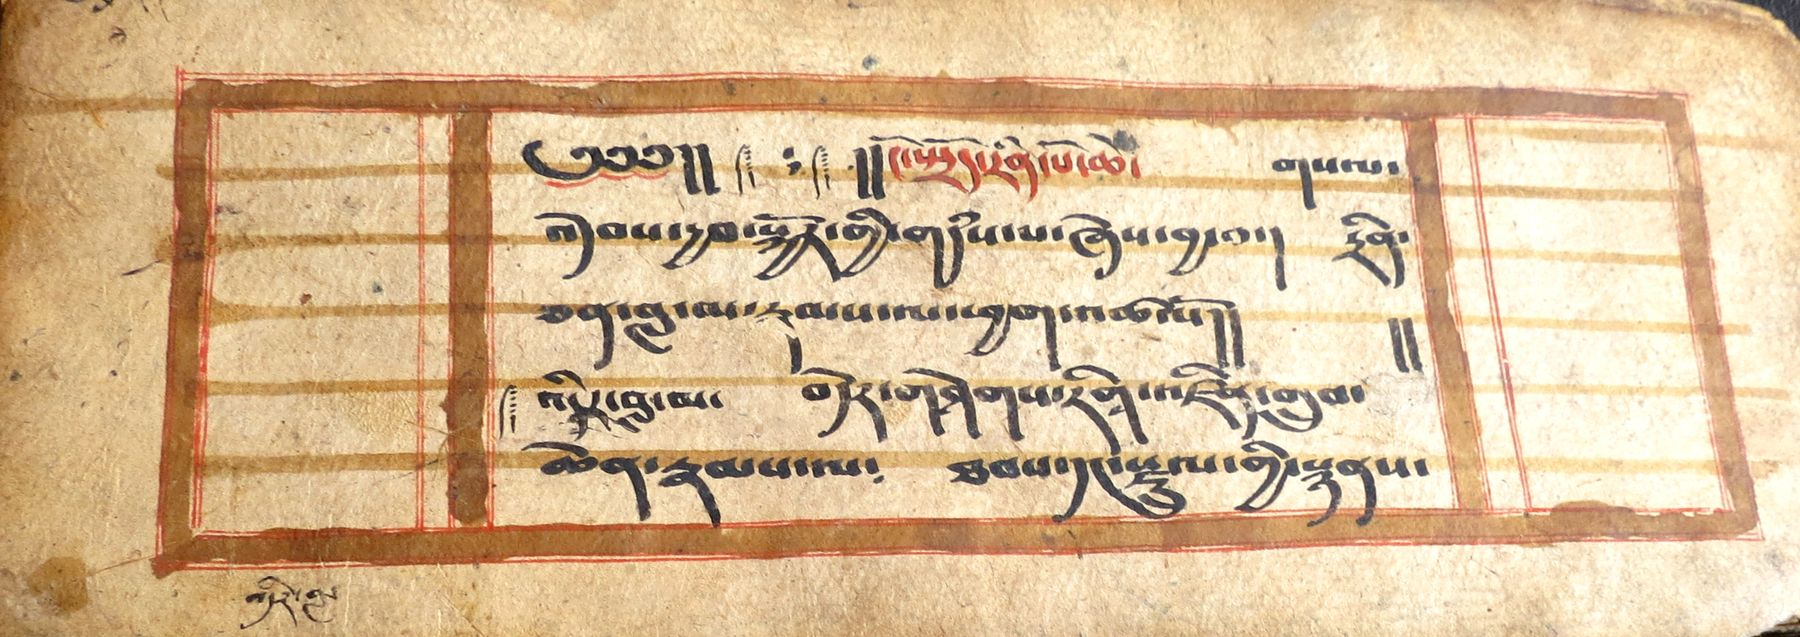༄༅། ། ། ། ངོ་སྤྲོད་རིན་པོ་ཆེ། གསལ་
འདེབས་རྒྱབ་སྐྱོར་གྱི་གདམས་པ་ཞེས་བྱ་བ། དྲིན་
ཅན་བླ་མ་རྣམས་ལ་ཕྱག་འཚལ་ལོ། ། 
འདིར་བླ་མ། བདེར་གཤེགས་རིག་འཛིན་གྲུབ། 
ཆེན་རྣམས་ལ། ཐབས་དང་རྫུ་འཕྲུལ་གྱིས་སྙན་ནས་